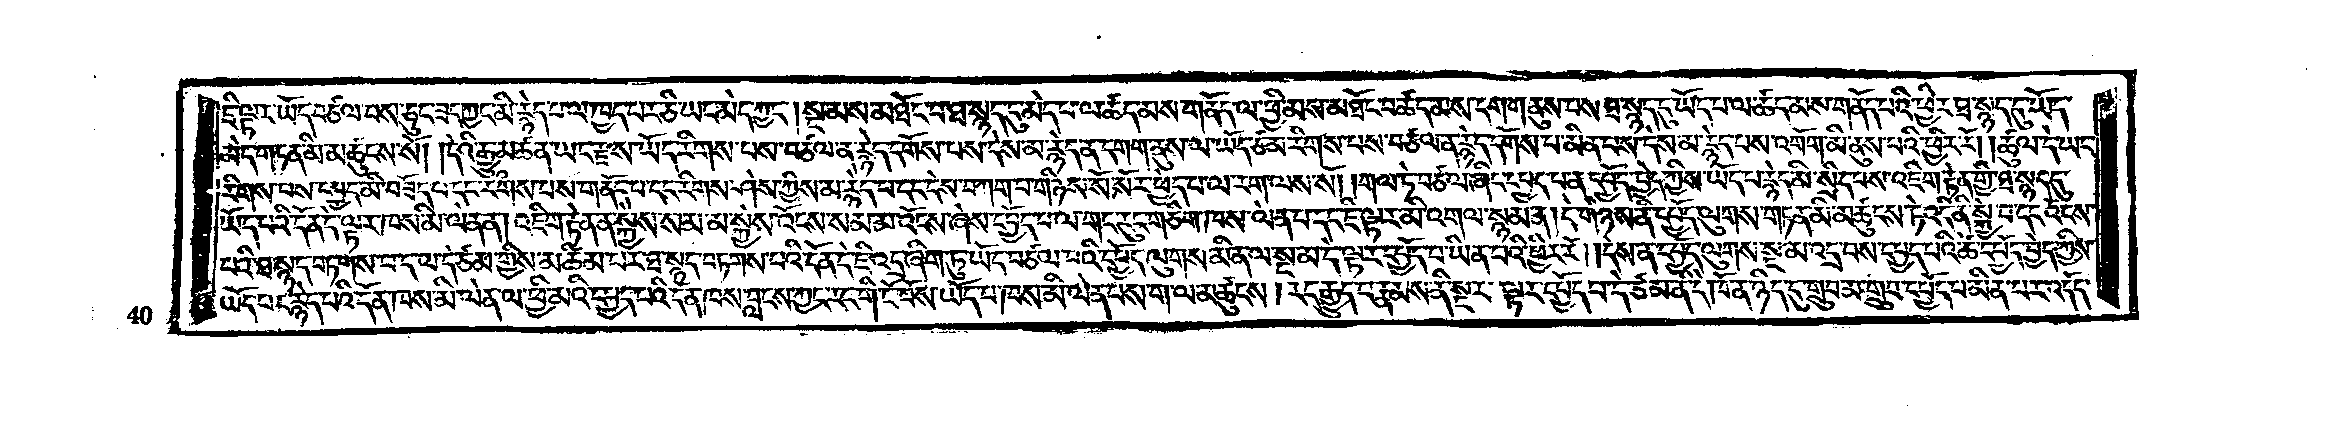ཇི་ལྟར་ཡོད་བཙལ་བས་ཅུང་ཟད་ཀྱང་མི་རྙེད་པ་ལ་ཁྱད་པར་ཅི་ཡང་མེད་ཀྱང་། སྔ་མས་མཐོང་བ་ཐ་སྙད་དུ་མེད་པ་ལ་ཚད་མས་གནོད་ལ་ཕྱི་མས་མཐོང་བ་ཚད་མས་དགག་ནུས་པས་ཐ་སྙད་དུ་ཡོད་པ་ལ་ཚད་མས་གནོད་པའི་ཕྱིར་ཐ་སྙད་དུ་ཡོད་
མེད་གཏན་མི་མཚུངས་སོ། །དེའི་རྒྱུ་མཚན་ཡང་རྫས་ཡོད་རིགས་པས་བཙལ་ན་རྙེད་དགོས་པས་དེས་མ་རྙེད་ན་དགག་ནུས་ལ་ཡོད་ཙམ་རིགས་པས་བཙལ་ན་རྙེད་དགོས་པ་མིན་པས་དེས་མ་རྙེད་པས་འགོག་མི་ནུས་པའི་ཕྱིར་རོ། །ཚུལ་དེ་ཡང་
རིགས་པས་དཔྱད་མི་བཟོད་པ་དང་རིགས་པད་གནོད་པ་དང་རིགས་ཤེས་ཀྱིས་མ་རྙེད་པ་དང་དེས་བཀག་པ་གཉིས་སོ་སོར་ཕྱེད་པ་ལ་རག་ལས་སོ། །གལ་ཏེ་བཙལ་ཞིང་དཔྱད་པ་ན་དཔྱོད་བྱེད་ཀྱིས་ཡོད་པ་རྙེད་མི་སྲིད་པས་འཇིག་རྟེན་གྱི་ཐ་སྙད་དུ་
ཡོད་པའི་དོན་དེ་ལྟར་ཁས་མི་ལེན་ན། འཇིག་རྟེན་ན་སྐྱེས་སམ་མ་སྐྱེས་འོངས་སམ་མ་འོངས་ཞེས་དཔྱོད་པ་ལ་གང་རུང་གཅིག་ཁས་ལེན་པ་དང་ཇི་ལྟར་མི་འགལ་སྙམ་ན། དེ་གཉིས་ནི་དཔྱོད་ལུགས་གཏན་མི་མཚུངས་དེ་འདི་ནི་སྐྱེ་བ་དང་འོངས་
པའི་ཐ་སྙད་བཏགས་པ་དེ་ལ་དེ་ཙམ་གྱིས་མ་ཚིམ་པར་ཐ་སྙད་བཏགས་པའི་དོན་དེ་ཇི་འདྲ་ཞིག་ཏུ་ཡོད་བཙལ་པའི་དཔྱོད་ལུགས་མིན་ལ་སྔ་མ་དེ་ལྟར་དཔྱོད་པ་ཡིན་པའི་ཕྱིར་རོ། །དེས་ན་དཔྱོད་ལུགས་སྔ་མ་འདྲ་བས་དཔྱད་པའི་ཚེ་དཔྱོད་བྱེད་ཀྱིས་
ཡོད་པར་རྙེད་པའི་དོན་ཁས་མི་ལེན་ལ་ཕྱི་མའི་དཔྱད་པའི་དོན་ཁས་བླངས་ཀྱང་རང་གི་ངོ་བོས་ཡོད་པ་ཁས་མི་ལེན་པས་ག་ལ་མཚུངས། རང་རྒྱུད་པ་རྣམས་ནི་སྔར་ལྟར་དཔྱོད་པ་དེ་ཙམ་ནི་དེ་ཁོ་ན་ཉིད་དུ་གྲུབ་མ་གྲུབ་དཔྱོད་པ་མིན་པར་འདོད་